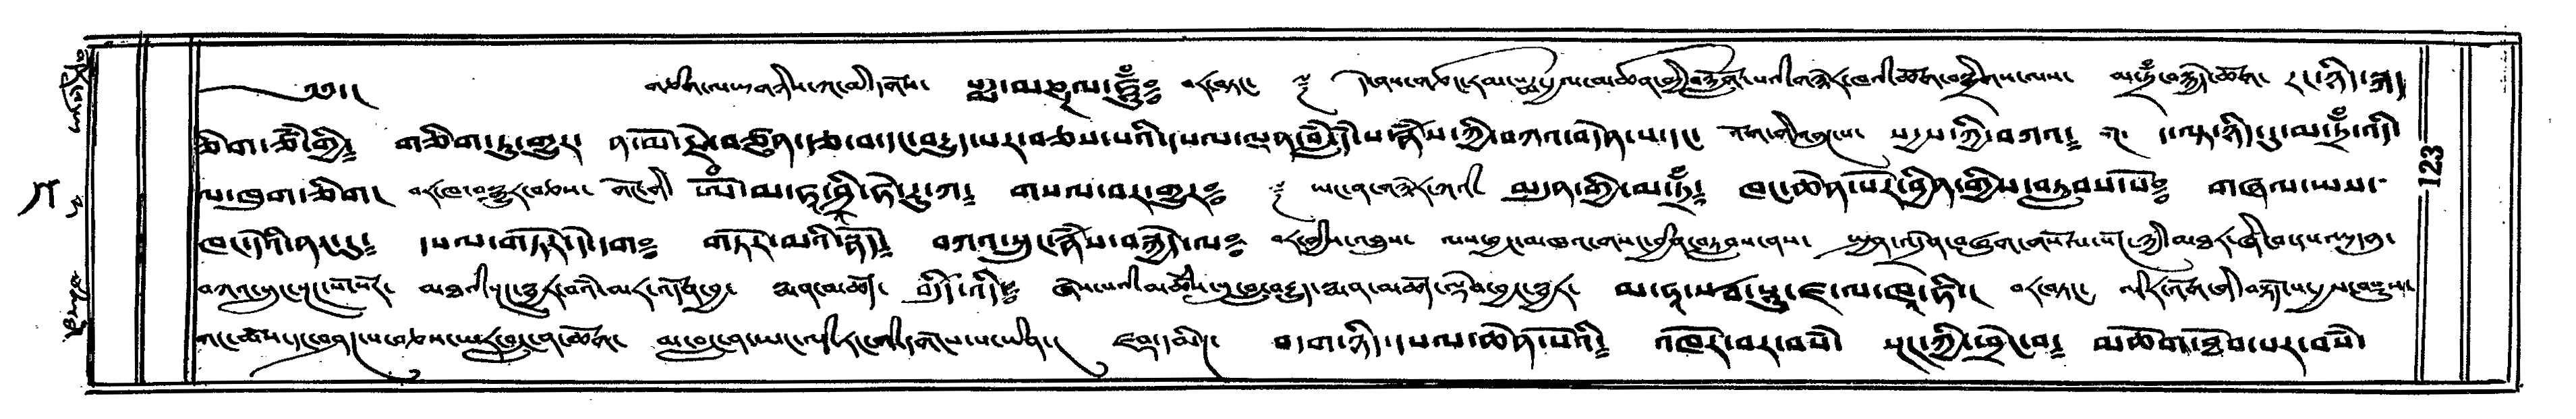རུང་གཅིག་ལས་གཉིས་ཀ་མི་དགོས། པདྨ་མཎྜལ་ཧཱུྃ༔ བར་བཏང་། ༈ དེ་ནས་གཙང་རམ་པདྨ་རྒྱལ་མཚན་གྱི་ཟློག་པའི་གཟེར་ཁའི་ཆོག་སྒྲིགས་ལས། མ་ཏྲཾ་སྐྱེད་ཆོག རང་ཉིད་སྐད་
ཅིག་ཙམ་གྱི༴ གཅིག་ཏུ་གྱུར༔ ན་མོ༔རྗེ་བཙུན་རྩ་བ་དང་བརྒྱུད་པར་བཅས་པའི་དཔལ་ལྡན་བླ་མ་དམ་པ་རྣམས་ཀྱི་བཀའ་བདེན་པ་དང༔ འོག་གི་འགུགས་པ། སངས་རྒྱས་ཀྱི་བཀའ༴ སོགས། ད་ལྟ་ཉིད་དུ་མ་ཏྲཾ་འདི་
ལ་ཁུག་ཅིག༔ བར་ཁ་སྒྱུར་བཅས། གོང་གི ཨོཾམ་ཧཱ་ཤྲཱི་ཧེ་རུ་ཀ༴ གསལ་བར་གྱུར༔ ༈ ཡང་ན་གཟེར་ཀའི། མདུན་གྱི་མ་ཏྲཾ༴ ཁང་ཆེན་པོར་བྱིན་གྱིས་བརླབས་སོ༴གཞལ་ཡས་
ཁང་དེའི་ནང་དུ༴ དཔལ་གཏོར་དེ་དག༴ གཏོར་མའི་སྣོད༴ བཀའ་སྲུང་རྣམས་བསྐྱོད་ལ༔ བར་གྱིས་འཐུས། ལས་བྱང་མཁའ་གསང་བྱིན་རླབས་ནས། སྤྱན་འདྲེན་བཞུགས་གསོལ་སོགས་ཀྱི་མཐར་ཞི་བ་དཔལ་ལྡན་དགུ། 
བཀའ་སྲུང་སྔགས་སོ་སོར་ མཐའི་སྔགས་སྦྱར་བའམ་མར་འདོན་བྱ། སྨན་མཆོད། བདུད་རྩི་འདི། ཞེས་པའི་མཚམས་སུ་བླ་རྒྱུད་སྨན་མཆོད་ལྡེབ་བྱང་སྦྱར། མ་ཧཱ་སརྦ་པཱུ་ཛ་ལ་ཁཱ་ཧི༔ བར་བཏང་། འདིར་འོག་གི་བསྟོད་པ་རྒྱས་བསྡུས་
གང་མོས་དང་བཤགས་པ་བཅས་ཡར་བླང་ན་ཆོག མ་བླངས་ན་ཡང་འདི་རང་གི་དགོངས་པ་ཡིན། ཛབ་དམིགས། བདག་ཉིད་དཔལ་ཆེན་པོའི༴ འཁོར་བར་བསམ༔ སྔགས་ཀྱི་ཕྲེང་བ༴ མཆོག་ཐོབ་པར་བསམ་